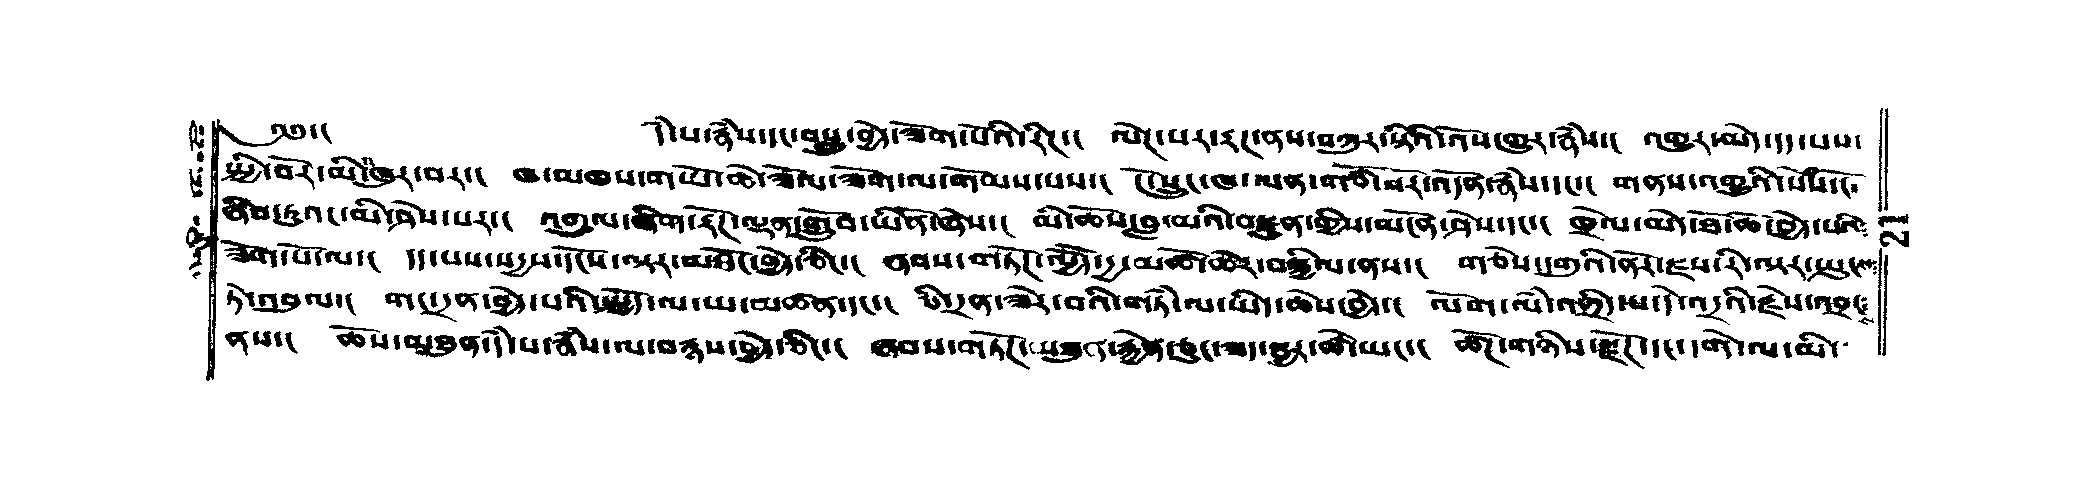དམ་པ་རྣམས་དང་བསླུ་བྱེད་ཟོག་པོའི་རིགས། །ལེགས་པར་བརྟགས་ནས་བཀུར་བསྟིའི་འོས་གྱུར་རྣམས། །འགྱུར་མེད་དད་པས་
སྤྱི་བོར་མི་འཁུར་བར། །ཁ་མཁས་གཡོ་མཁས་ཟོལ་ཟོག་ལ་གོམས་པས། །ངོ་བསྲུང་ཁ་ལན་གཙོ་བོར་འདོན་རྣམས་དང་། །གནས་འགྱུའི་སེམས་ངོ་
ཞིབ་ཏུའང་མ་ཤེས་པར། །འཁྲུལ་ཞིག་རྟོགས་ལྡན་གྲུབ་ཐོབ་ཡིན་ནོ་ཞེས། །མི་ཆོས་བླ་མའི་བརྫུན་གྱིས་མངོན་ཤེས་དང་། །ཁྲེལ་མེད་ཐོ་ཅོ་བྱེད་པའི་
ཟོག་པོ་ལ། །དད་པས་སངས་རྒྱས་དངོས་ལྟར་མཐོང་བྱེད་ཅིང་། །ཞབས་གཏོགས་ལོངས་སྤྱོད་རྒྱ་མཚོ་མེད་བསྐྱིལ་ནས། །གཅེས་དགུའི་ནོར་རྫས་རི་ལྟར་སྤུང་
ཏེ་འབུལ།གང་དྲན་བྱེད་པའི་སྤྱོད་ལ་ཡ་མཚན་དང་། །ཅི་དྲན་ཟེར་བའི་གཏམ་ལ་ཡིད་ཆེས་བྱེད། །ལོག་ལམ་འཁྲིད་པ་དེ་འདྲའི་རྗེས་འབྲང་
ནས། །ཆོས་མཐུན་དམ་པ་རྣམས་ལ་བརྙས་བྱེད་ཅིང་། །ཞབས་ཏོག་མཐུན་རྐྱེན་ཅུང་ཟད་སྦྱར་ཚེ་ཡང་། །ཚོགས་གཉིས་རྫོགས་དང་དགེ་ལ་མི་